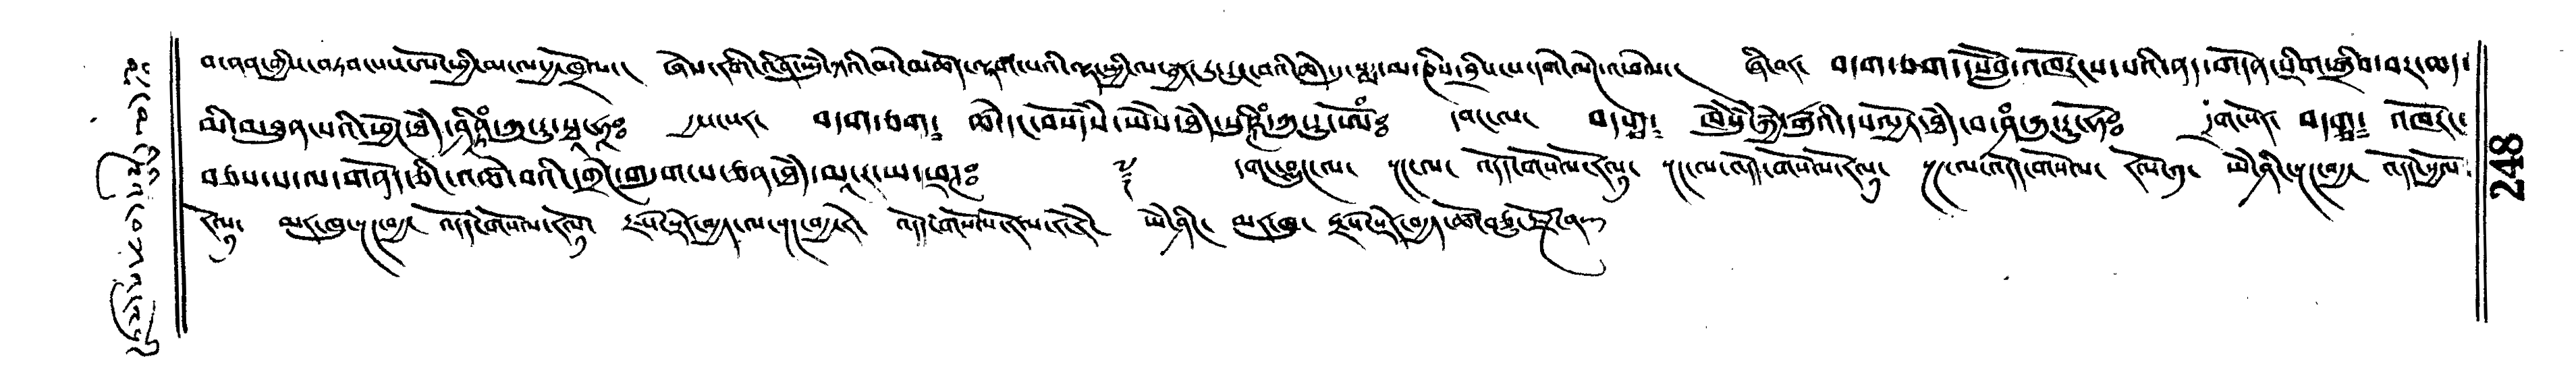བ་ནན་གྱིས་བཏབ་པས་ལོ་ཕྱི་མ་ལ་རྒྱ་ཁྲོལ༔ ཞེས་རིག་འཛིན་ཡུམ་ཀའི་མེ་མཆོད་ལྷག་པའི་ལྷ་སྤྱི་ལ་སྦྱར་རུང་བའི་ཆེད་དུ་པདྨ་མ་ཎིས་བྲིས་པ་དགེ་ལེགས་འཕེལ། ཞི་བར། བདག་ཅག་སློབ་དཔོན་འཁོར་དང་བཅས་པའི་ནད་གདོན་སྡིག་སྒྲིབ་བར་ཆད་
མི་མཐུན་པའི་ཕྱོགས་ཐམས་ཅད་ཤཱནྟིཾ་ཀུ་རུ་སྭ་ཧཱ༔ རྒྱས་པར། བདག་ཅག༴ ཚེ་དང་བསོད་ནམས་ཡེ་ཤེས་ཐམས་ཅད་པུཥྚིཾ་ཀུ་རུ་ཨོཾ༔ དབང་ལ། བདག་ཅག༴ ཁམས་གསུམ་སྐྱེ་རྒུའི་དཔལ་འབྱོར་ཐམས་ཅད་ཝ་ཤཾ་ཀུ་རུ་ཧོ༔ དྲག་པོར། བདག་ཅག་འཁོར་
བཅས་པ་ལ་གནོད་ཅིང་འཚེ་བའི་དགྲ་བགེགས་གདུག་པ་ཅན་ཐམས་ཅད་མཱ་ར་ཡ་ཕཊ༔ ༈ དགང་བླུག་ལ། སྔགས་ལ་འདོད་གསོལ་རོལ་གཅིག ཡམ་ཤིང་སྔགས་བརྒྱ། འདོད་གསོལ་
རོལ་གཅིག མར་ཁུ་སྔགས་བརྒྱ། འདོད་གསོལ་རོལ་གཅིག རྫས་སྡེར་བརྒྱད་ལ་སྔགས་བརྒྱ་རེ། འདོད་གསོལ་རོལ་རེ་རེ། ཡམ་ཤིང་། མར་ཁུ། རྫས་སྡེར་བརྒྱད་ཚོ་བཅུ་རྫོགས་ནས།། དགེའོ།།